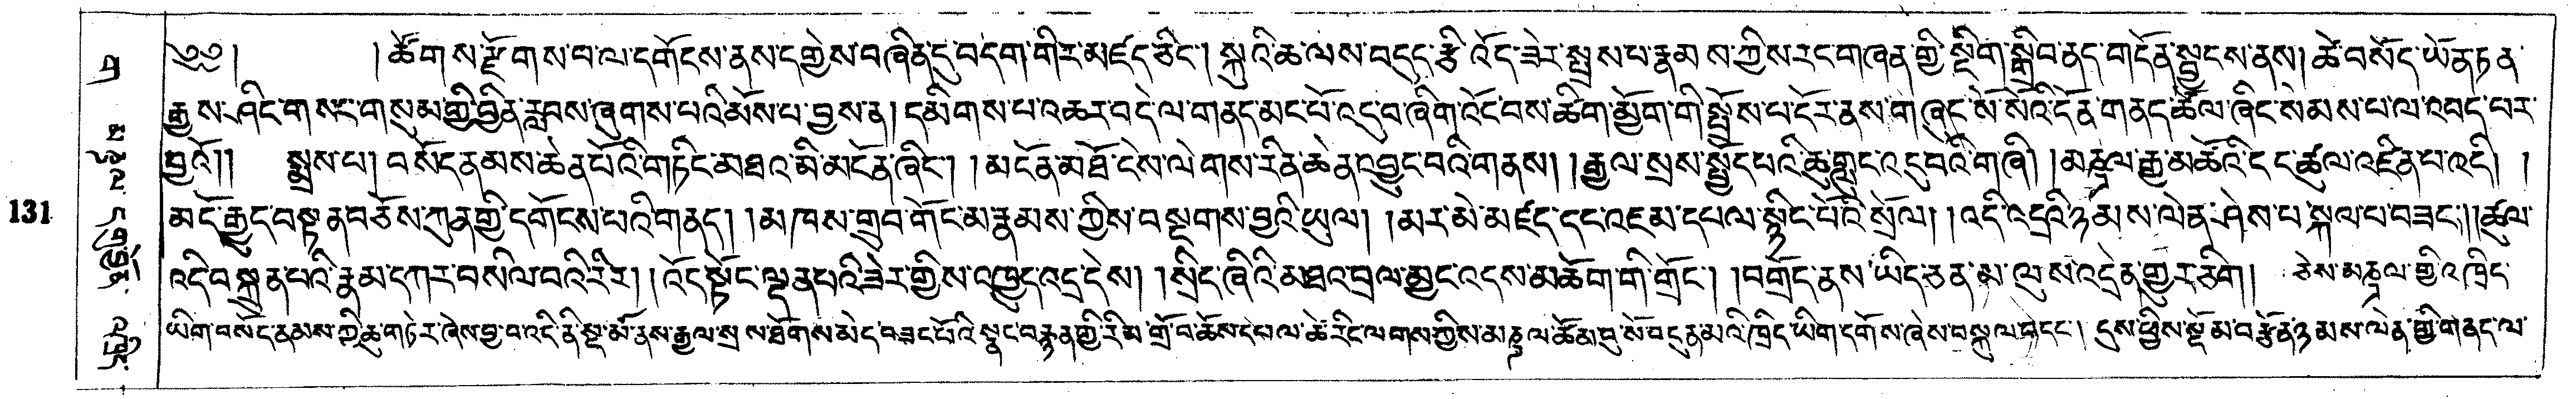༄༅། །ཚོགས་རྫོགས་པ་ལ་དགོངས་ནས་དགྱེས་བཞིན་དུ་བདག་གིར་མཛད་ཅིང་། སྐུའི་ཆ་ལས་བདུད་རྩི་འོད་ཟེར་སྤྲས་པ་རྣམས་ཀྱིས་རང་གཞན་གྱི་སྡིག་སྒྲིབ་ནད་གདོན་སྦྱངས་ནས། ཚེ་བསོད་ཡོན་ཏན་
རྒྱས་ཤིང་གསང་གསུམ་གྱི་བྱིན་རླབས་ཞུགས་པའི་མོས་པ་བྱས་ན། དམིགས་པ་འཆར་བདེ་ལ་གནད་མང་པོ་འདུ་བ་ཞིག་འོང་བས་ཚིག་མྱོག་གི་སྤྲོས་པ་དོར་ནས་གཞུང་སོ་སོའི་དོན་གནད་ཚོལ་ཞིང་སེམས་པ་ལ་འབད་པར་
བྱའོ།། སྨྲས་པ། བསོད་ནམས་ཆེན་པོའི་གཏིང་མཐའ་མི་མངོན་ཞིང་། །མངོན་མཐོ་ངེས་ལེགས་རིན་ཆེན་འབྱུང་བའི་གནས། །རྒྱལ་སྲས་སྤྱོད་པའི་ཆུ་གླུང་འདུ་བའི་གཞི། །མཎྜལ་རྒྱ་མཚོའི་ངང་ཚུལ་འཛིན་པ་འདི། །
མདོ་རྒྱུད་བསྟན་བཅོས་ཀུན་གྱི་དགོངས་པའི་གནད། །མཁས་གྲུབ་གོང་མ་རྣམས་ཀྱིས་བསྔགས་བྱའི་ཡུལ། །མར་མེ་མཛད་དང་འཇམ་དཔལ་སྙིང་པོའི་སྲོལ། །འདི་འདྲའི་ཉམས་ལེན་ཤེས་པ་སྐལ་པ་བཟང་། །ཚུལ་
འདི་བསྐྲུན་པའི་རྣམ་དཀར་བསིལ་བའི་རིར། །འོད་སྟོང་ལྡན་པའི་ཟེར་གྱིས་འཁྱུད་འདྲ་དེས། །སྲིད་ཞིའི་མཐའ་བྲལ་མྱང་འདས་མཆོག་གི་གྲོང་། །བགྲོད་ནས་ཡིད་ཅན་མ་ལུས་འདྲེན་གྱུར་ཅིག །ཅེས་མཎྜལ་གྱི་འཁྲིད་
ཡིག་བསོད་ནམས་ཀྱི་ཆུ་གཏེར་ཞེས་བྱ་བ་འདི་ནི་སྔ་མོ་ནས་རྒྱལ་སྲས་ཐོགས་མེད་བཟང་པོའི་སྣང་བརྙན་གྱི་རིམ་གྲོ་བ་ཆོས་དཔལ་ཚེ་རིང་ལགས་ཀྱིས་མཎྜལ་ཚོམ་བུ་སོ་བདུན་མའི་ཁྲིད་ཡིག་དགོས་ཞེས་བསྐུལ་བ་དང་། དུས་ཕྱིས་སྡོམ་བརྩོན་ཉམས་ལེན་གྱི་གནང་ལ་